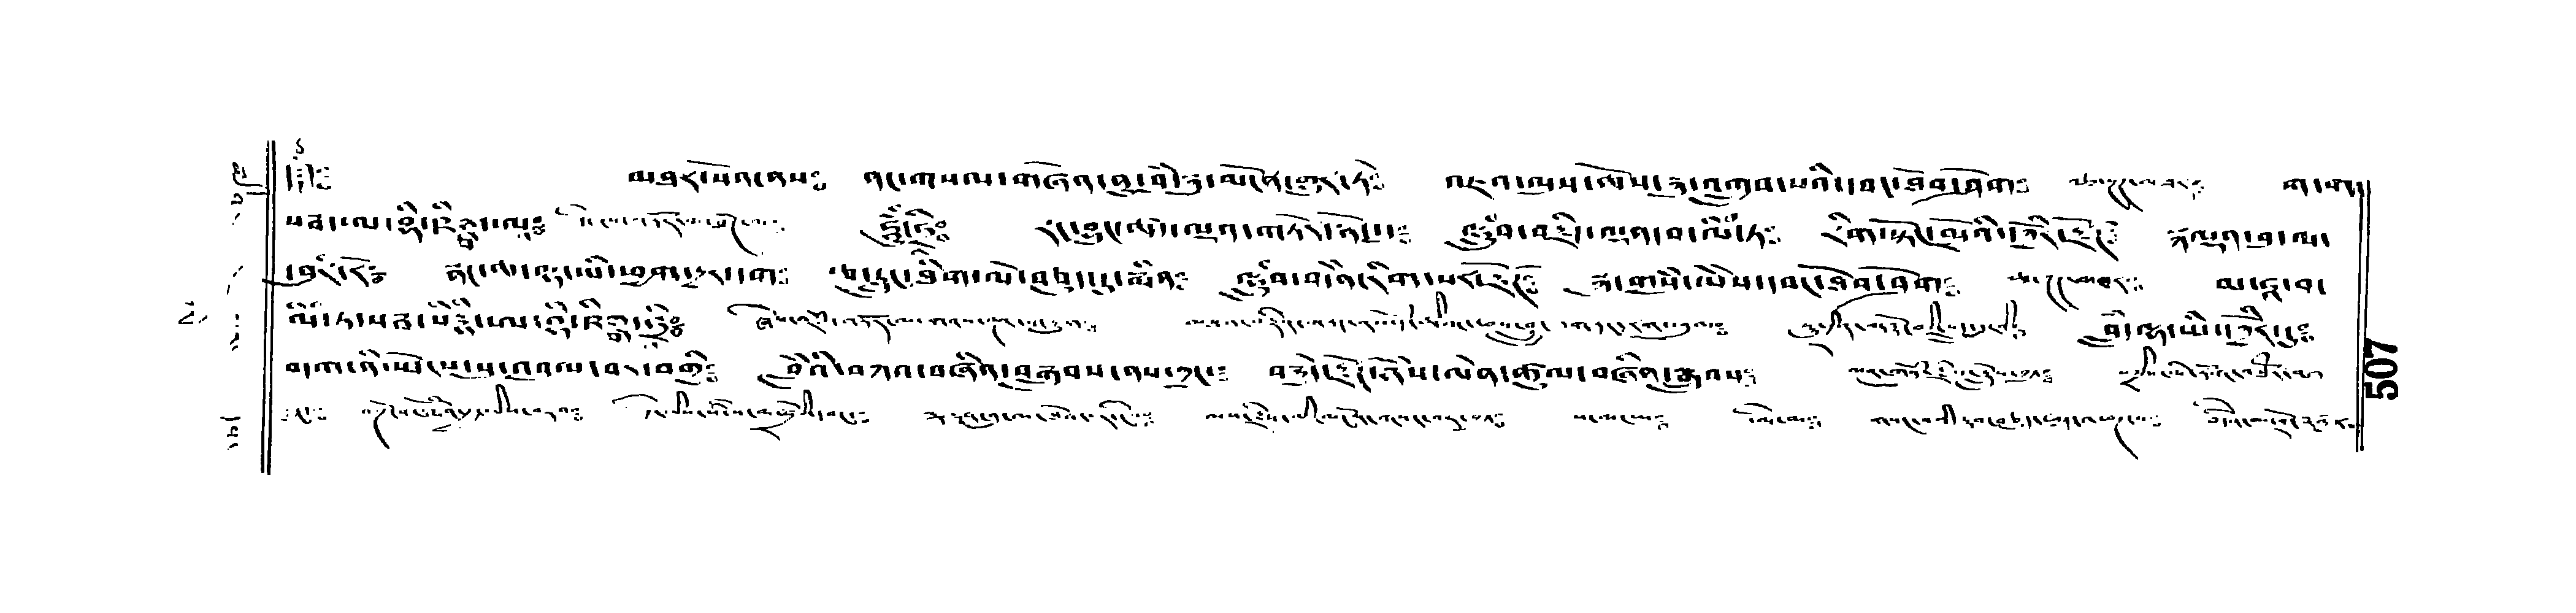མཐར་སོན་ནས༔ ནང་གསལ་གཞོན་ནུ་བུམ་སྐུ་མངོན་གྱུར་ཏེ༔ འཇའ་ལུས་ཆོས་སྐུ་འགྲུབ་པའི་དབང་ཐོབ་ཤོག༔ རྩ་སྔགས་མཐར༔ ག་ག་
སརྦ་ཨ་བྷི་རིཉྩ་ཨཱཿ དེ་ནས་གཏོར་མ་ཐོགས་ལ༔ ཧཱུྃ་ཧྲཱིཿ རང་བྱུང་ཚད་ལྡན་གཏོར་སྣོད་དུ༔ ལྷུན་གྲུབ་བརྗིད་ལྡན་བ་ལིཾ་ཏ༔རིག་སྟོང་མཁའ་འགྲོའི་དཀྱིལ་འཁོར་རྫོགས༔ སྐལ་ལྡན་བུ་ལ་
དབང་བསྐུར་རོ༔ སྣང་ཆ་ལྷ་ཡི་ཕྱག་རྒྱར་དག༔ རྩ་རླུང་ཐིག་ལེ་བཅུད་དུ་སྨིན༔ ལྷུན་གྲུབ་བདེ་ཆེན་རིག་པར་རྫོགས༔ སྐུ་གསུམ་ཡེ་ཤེས་དབང་ཐོབ་ཤོག༔ རྩ་སྔགས་མཐར༔ མ་ཧཱ་བ་
ལིཾ་ཏ་སརྦ་སིདྡྷི་ཨ་བྷི་རིཉྩ་ཧྲཱི༔ ཞེས་བརྗོད་གཏོར་མ་གནས་ལྔར་གཏུག༔ མཐའ་བརྟེན་གཏད་ནས་དམ་ཚིག་ཁས་བླངས་གཏང་རག་ཕུལ༔ སྐུ་དྲིན་གཟོ་བའི་སླད་དུ་ནི༔ བླ་མ་ལྷ་ཡི་དཀྱིལ་འཁོར་དུ༔ 
བདག་ནི་ཡོངས་སུ་འབུལ་བར་བགྱི༔ བླ་མའི་བཀའ་བཞིན་བསྒྲུབས་ནས་ཀྱང༔ བསྐྱེད་རྫོགས་ཉམས་ལེན་ཚུལ་བཞིན་བསྒྲུབ༔ ལན་གསུམ་རྗེས་ཟློས་བྱ༔ བཀའ་དྲིན་མེ་ཏོག་འཐོར་ནས་
ཀྱང༔ བསྔོ་བ་སྨོན་ལམ་རྒྱ་ཡིས་བཏབ༔ དེ་ཡིས་སེམས་མ་མཁའ་འགྲོའི་དབང༔ སྐལ་ལྡན་བུ་ལ་འཐོབ་པར་ངེས༔ ལས་རྗེས་མི་མངོན་གསང་བར་བྱ༔ ས་མ་ཡ༔ ཨེ་མ༔ གསང་བའི་ཟབ་བཅུད་ཁྱད་འཕགས་པ༔ བདེ་ཆེན་མཁའ་འགྲོ་རྣལ་འབྱོར་